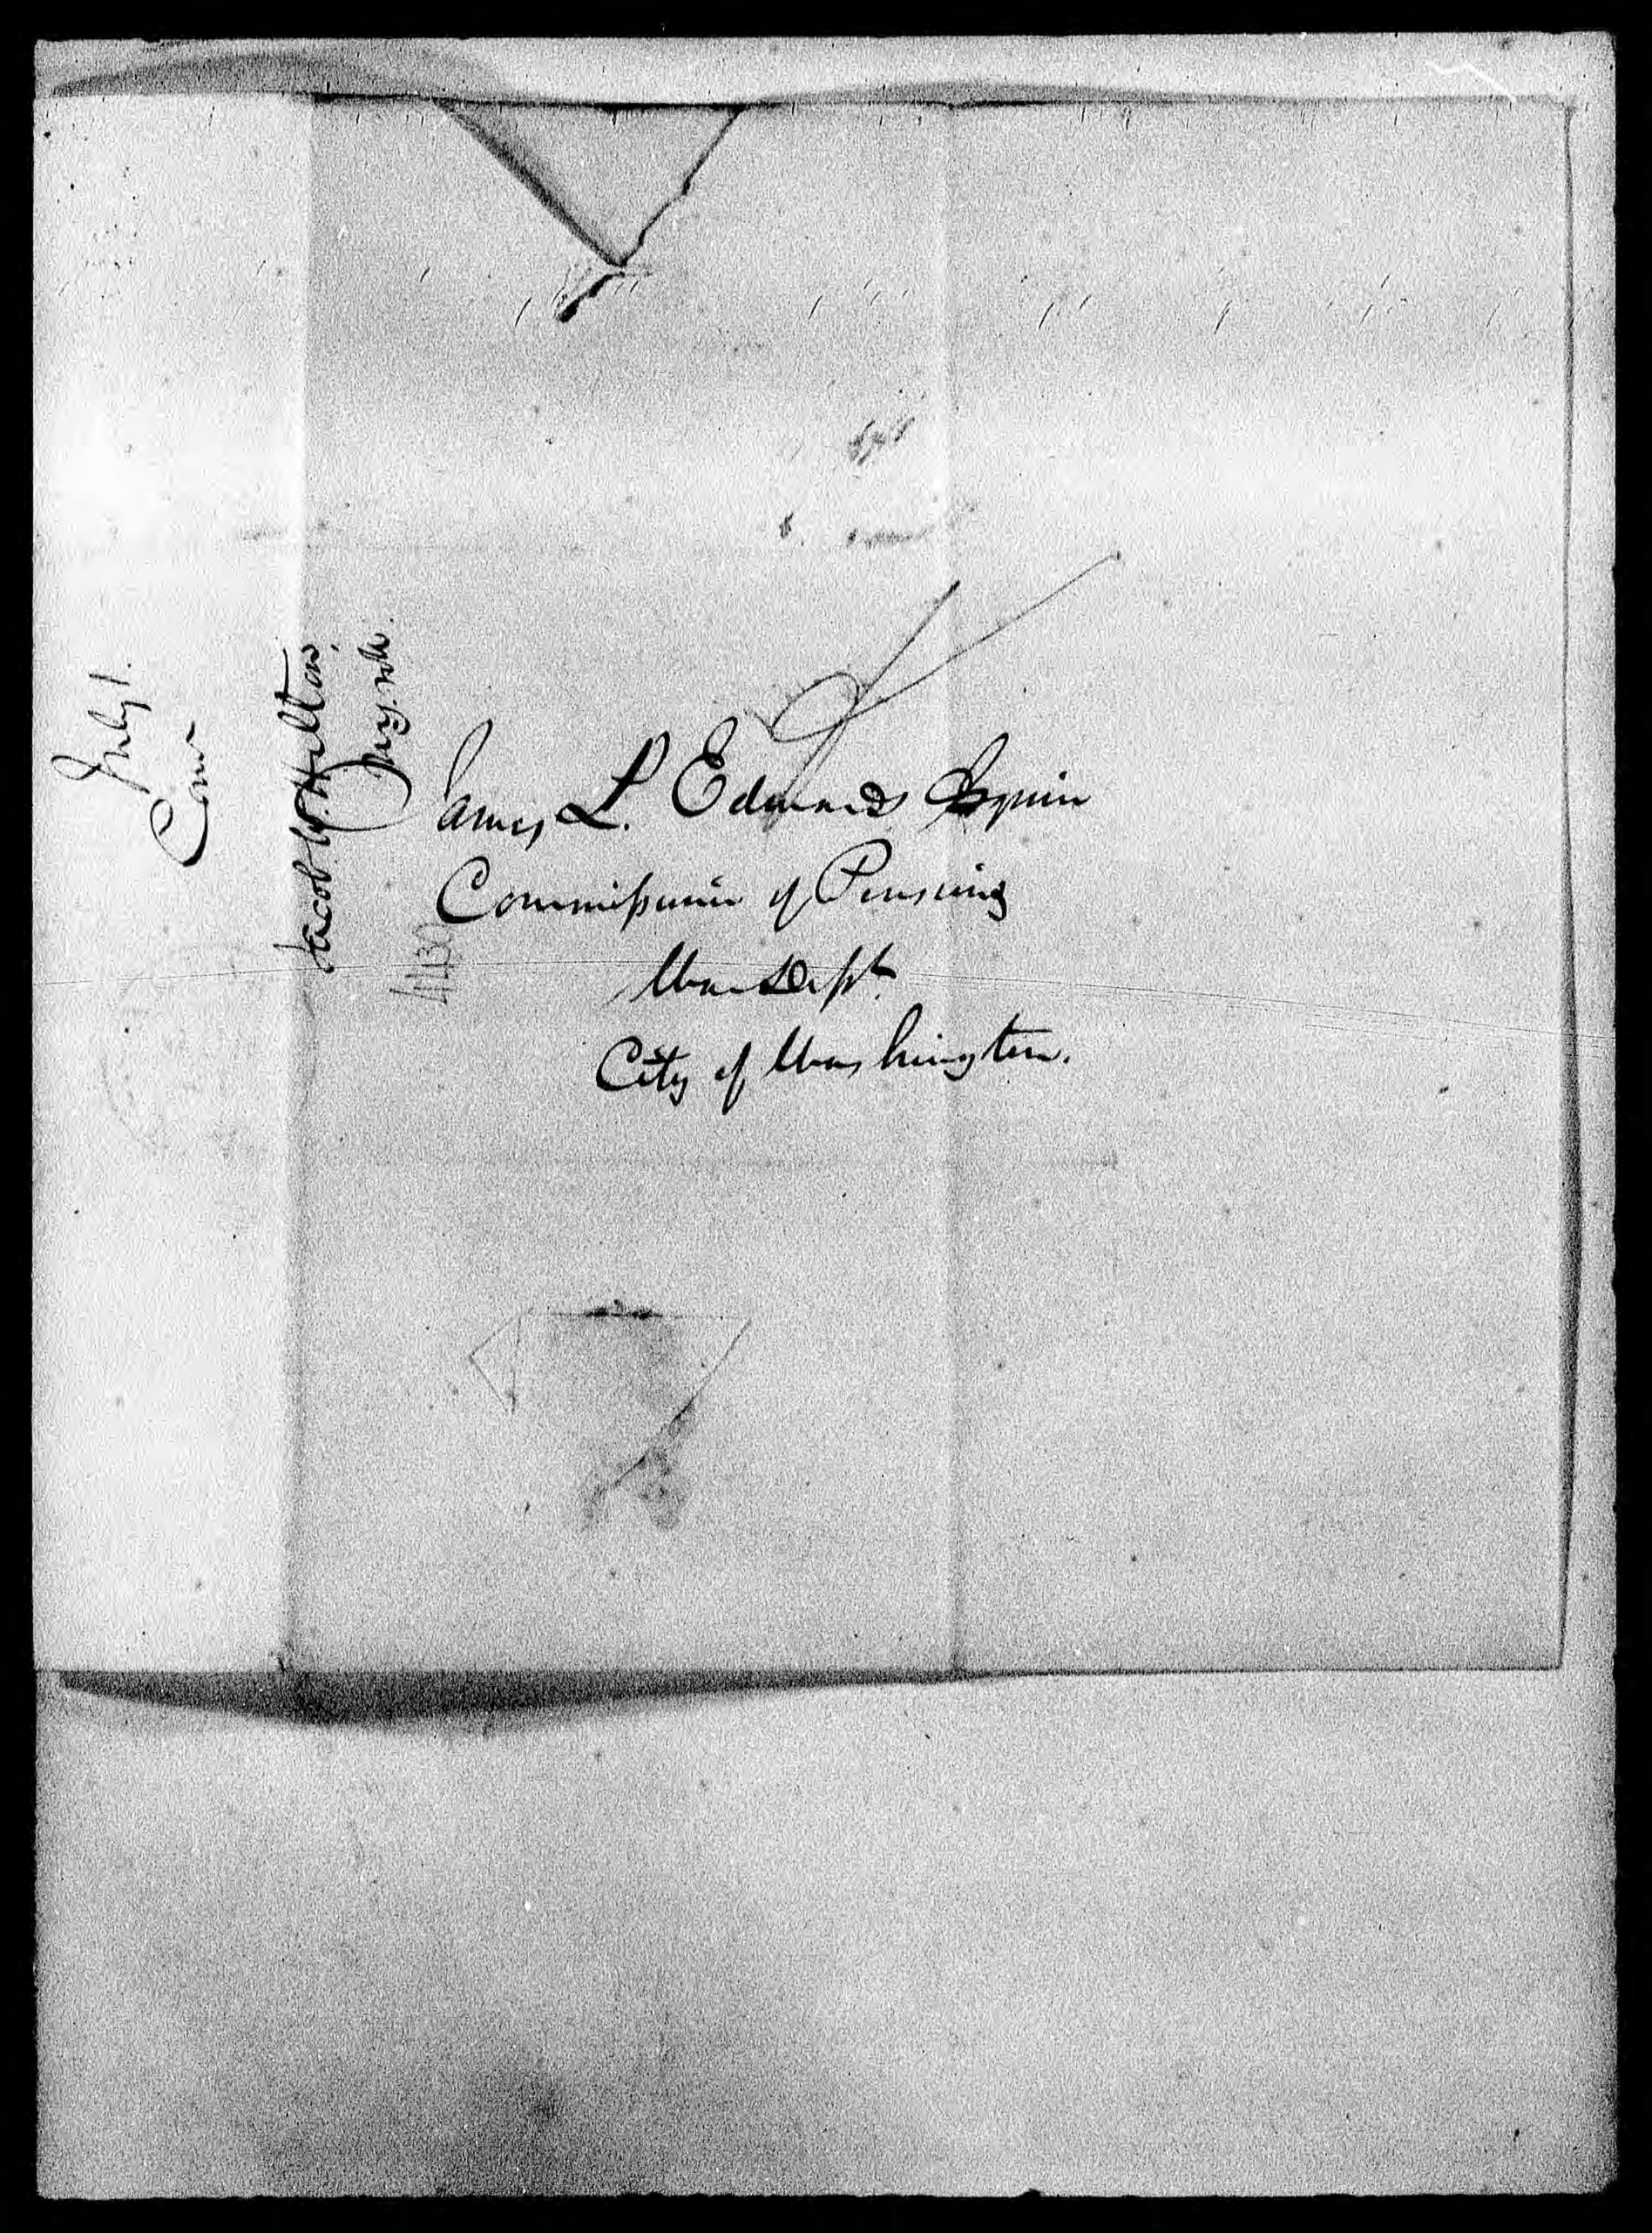James L Edwards Esquire
Commisioner of Pensions
War Dept.
City of Washington

July 1
[C?]
Jacob W. Hilton
[illegible] (NY.?)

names: Jacob W Hilton, James L Edwards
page: 42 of 48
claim: widow's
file: W. 19788, Jacob W Hilton, New York